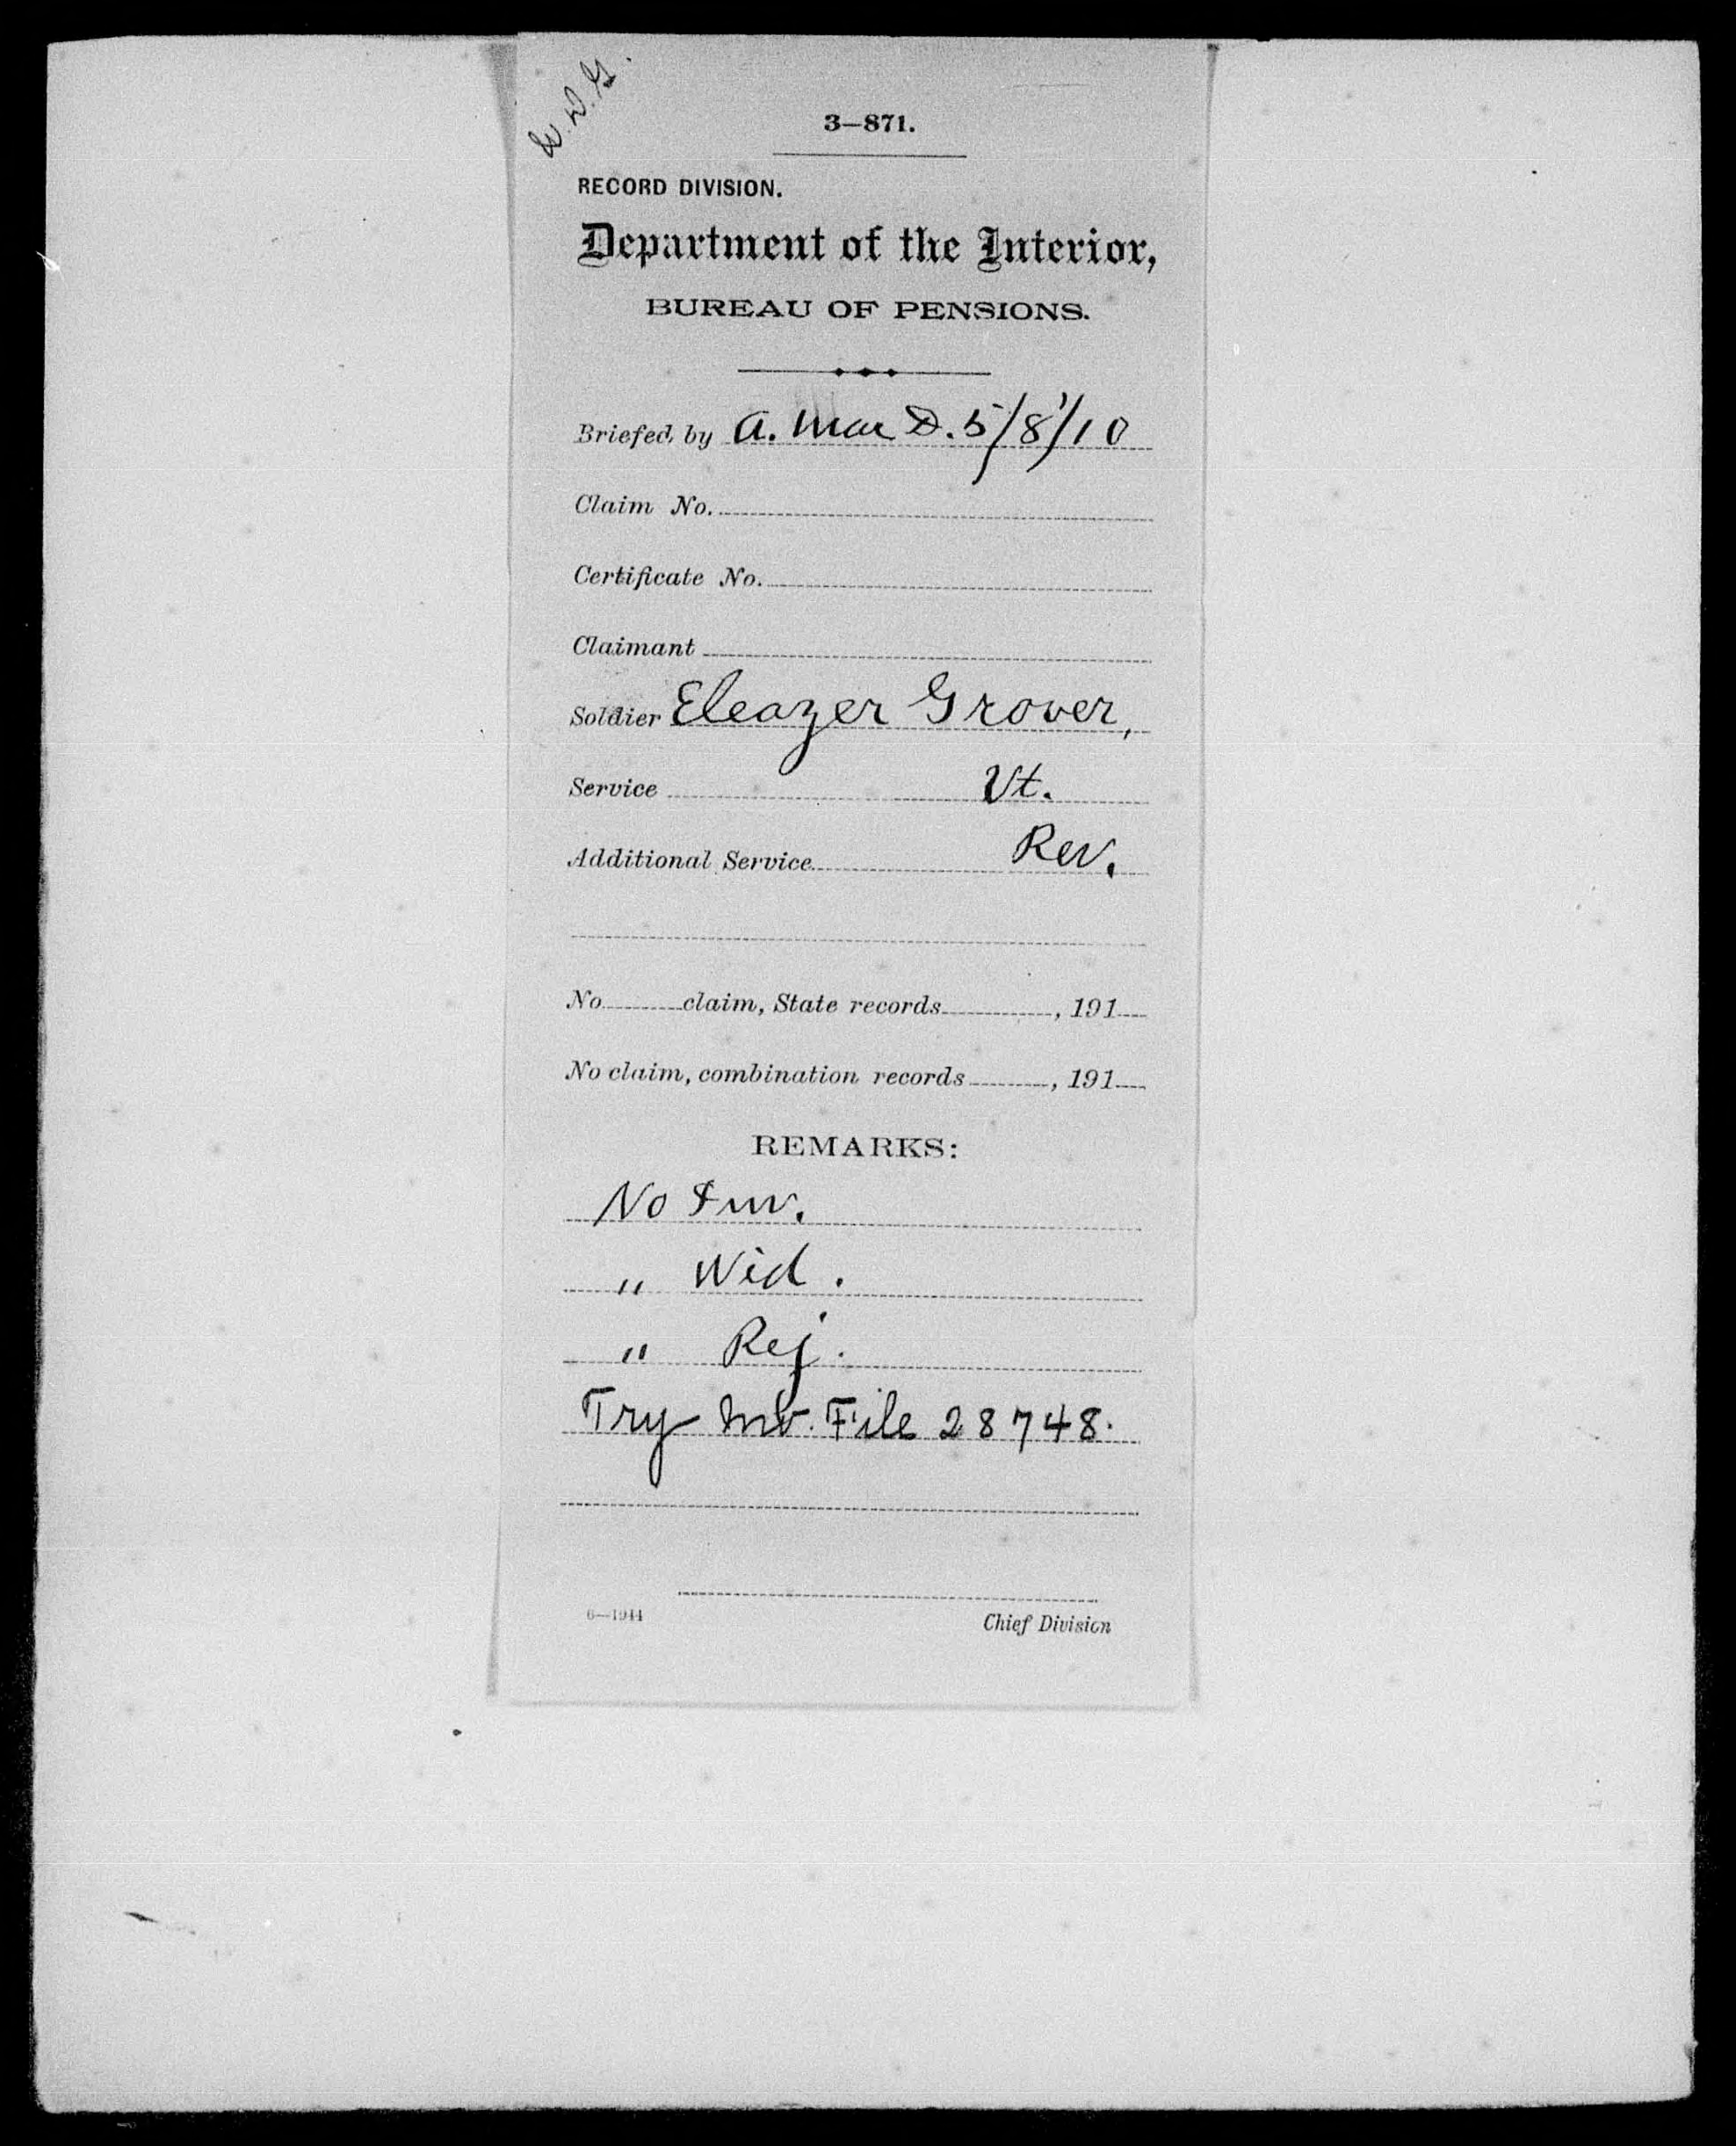3-871.
[initials: W.D.G.]
RECORD DIVISION.
Department of the Interior,
BUREAU OF PENSIONS.
Briefed by A. Ward. 5/8'/10
Claim No. [blank]
Certificate No. [blank]
Claimant [blank]
Soldier Eleazer Grover,
Service Vt.
Additional Service Rev.
No[blank]claim, State records [blank], 191[blank]
No claim, combination records [blank], 191[blank]
REMARKS:
No Inv.
 " Wid.
 " Rej.
Try Inv File 28748.
[blank] Chief Division
6-1944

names: Eleazer Grover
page: 34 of 43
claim: survivor's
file: S. 28748, Eleazer Grover, Continental Mass. Vt.